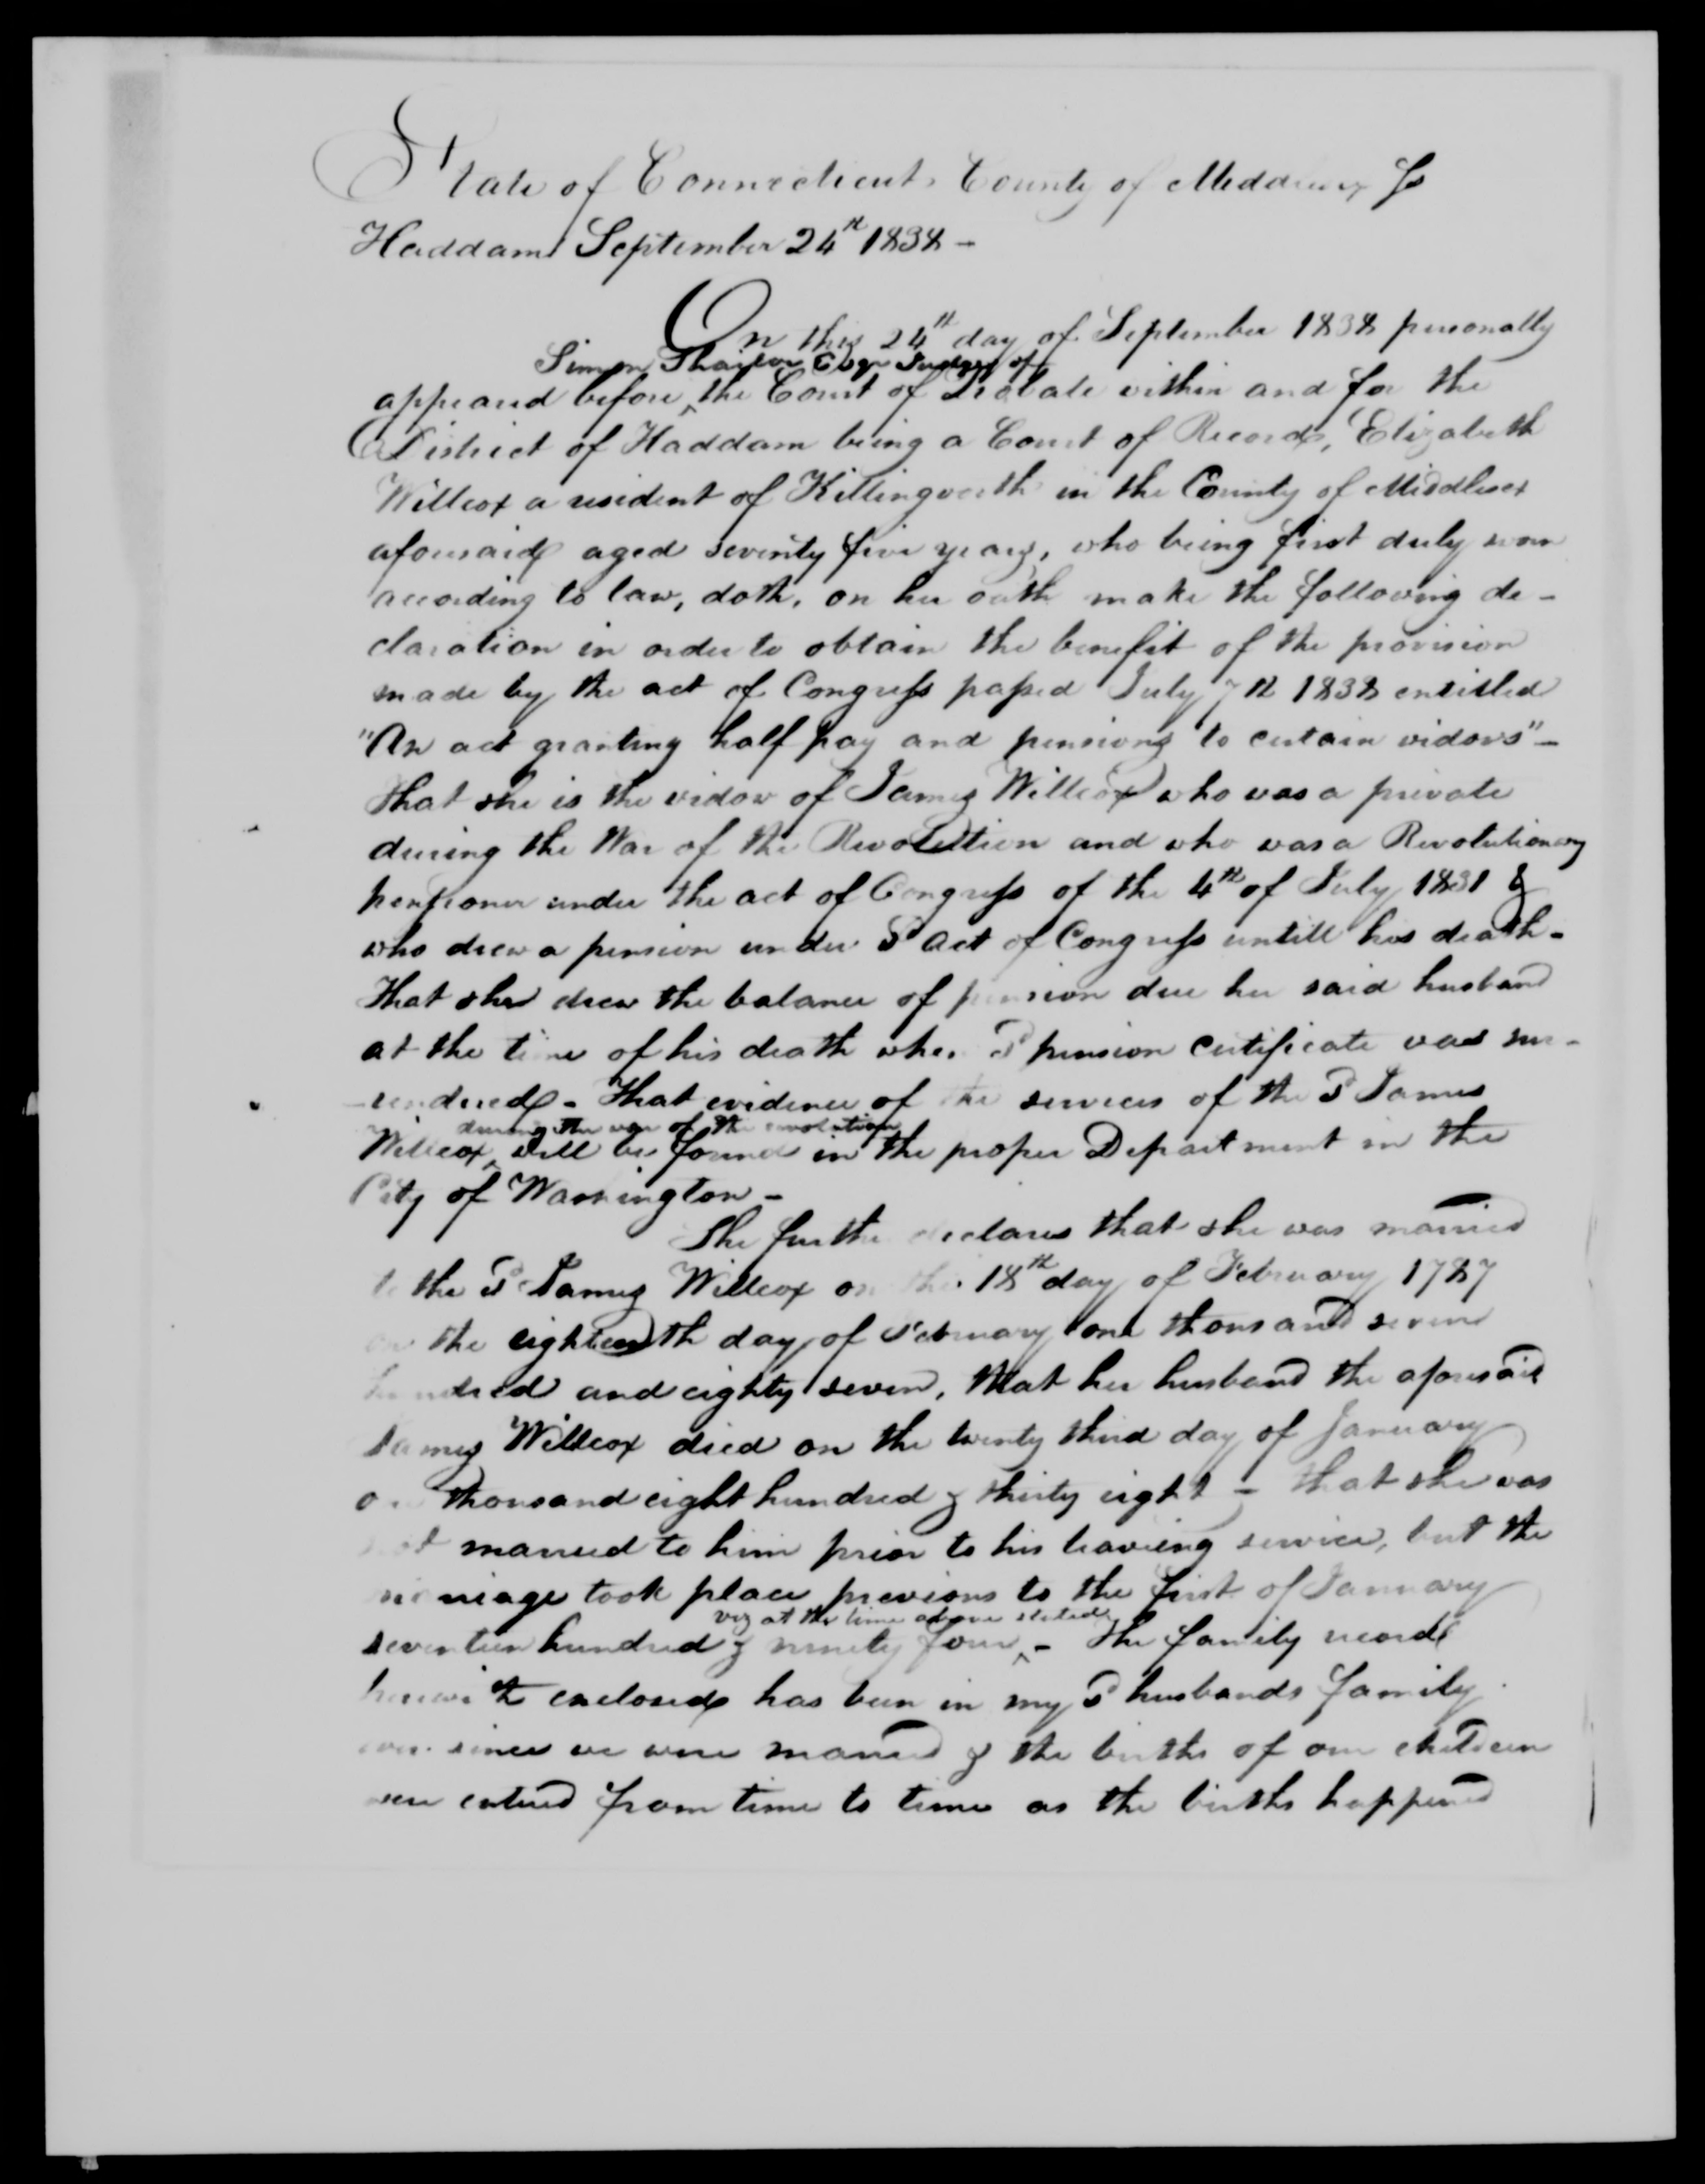State of Connecticut, County of Middlesex SS
Haddam September 24th 1838–
On this 24th day of September 1838 personally appeared before Simon Thailor Esqr Judge of the Court of Probate within and for the District of Haddam being a Court of record, Elizabeth Willcox a resident of Killingworth in the County of Middlesex aforesaid aged seventy five years, who being fist duly sworn according to law, doth, on her oath make the following declaration in order to obtain the benefit of the provision made by the act of Congress passed July 7th 1838 entitled “An act granting half pay and pensions to certain widows”— That she is the widow of James Willcox who was a private during the War of the Revolution and who was a Revolutionary pensioner under the act of Congress of the 4th of July 1831 & who drew a pension under sd Act of Congress untill his death. That she drew the balance of pension due her said husband at the time of his death when sd pension certificate was intendered. That evidence of the services of the sd James Willcox during the war of the revolution will be formed in the proper Department in the City of Washington—
She further declares that she was married to the sd James Willcox on the 18th day of February 1787 on the eighteenth day of February one thousand seven hundred and eighty seven, that her husband the aforesaid James Willcox died on the twenty third day of January one thousand eight hundred & thirty eight—that she was not married to him prior to his having service, but the marriage took place privious to the first of January seventeen hundred & ninety four viz at the time above stated. The family records herewith enclosed has been in my sd husbands family even since we were married & the birth of our children were entered from time to time as the births happened.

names: James Willcox, Elizabeth Willcox, Simon Shailor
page: 13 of 46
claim: widow's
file: W. 18,417, James Willcox, Conn.